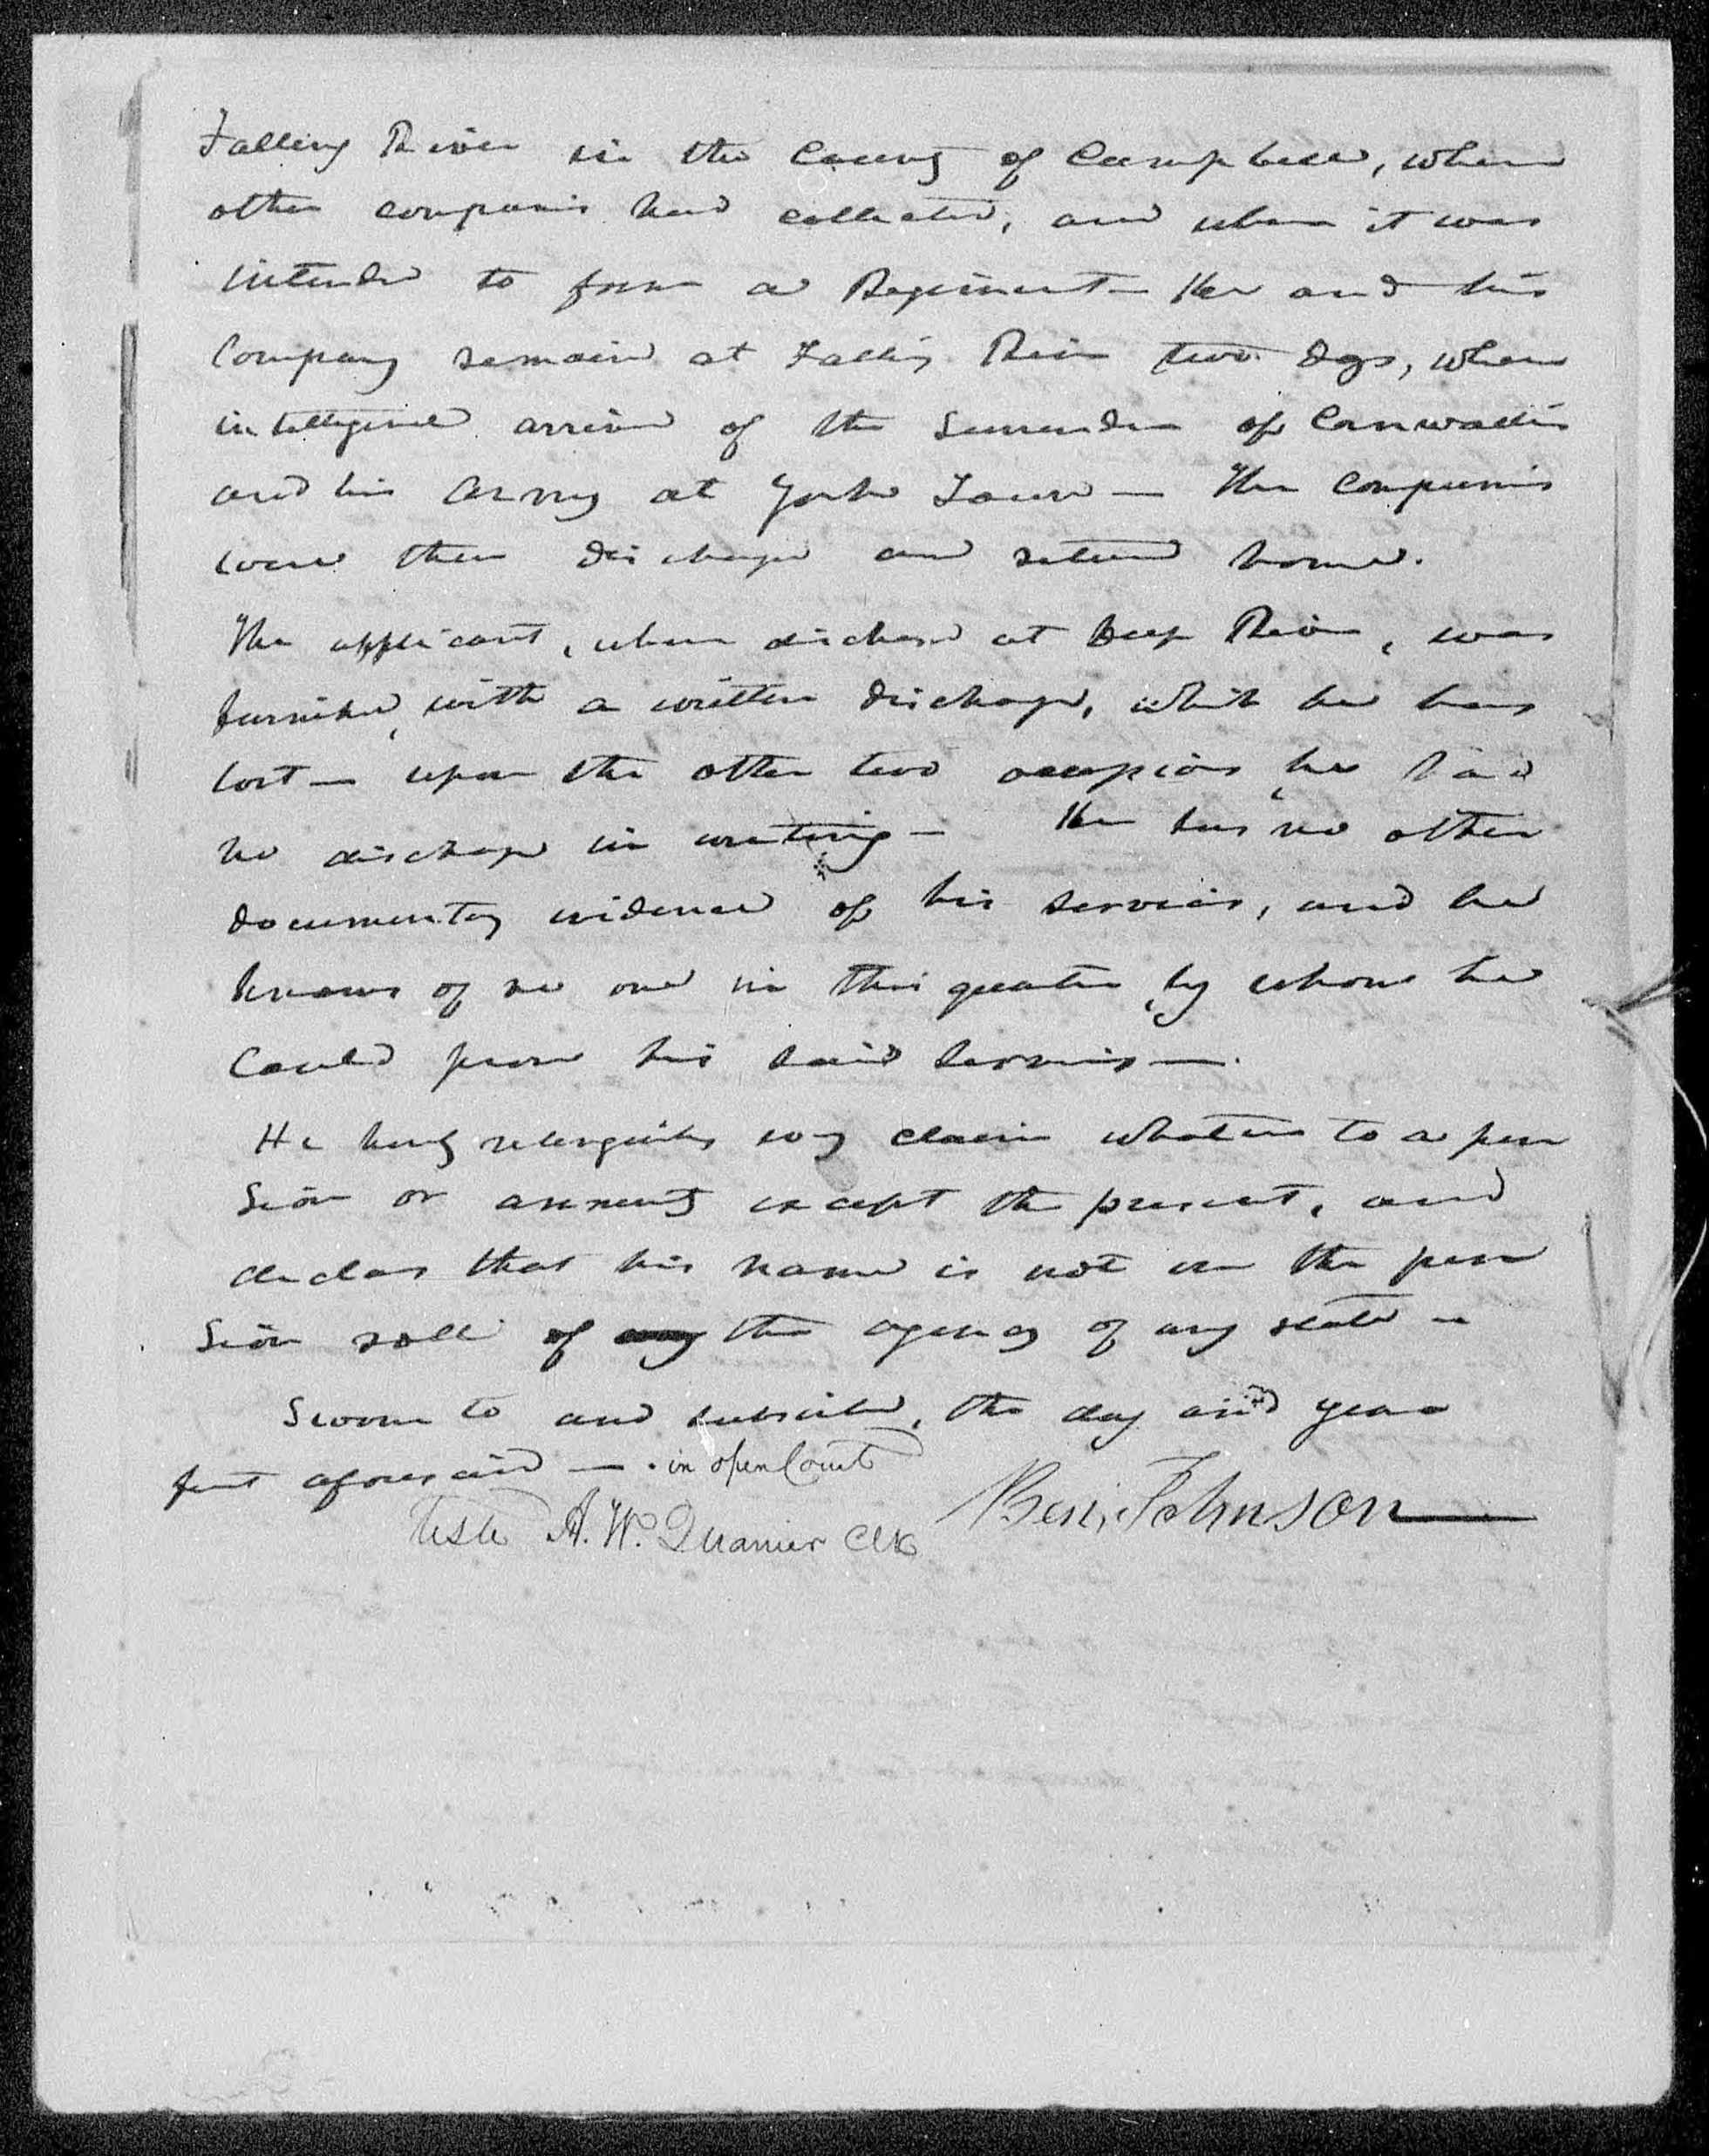Falling River in the County of Campbell, where other company had collected, and where it was intended to form a Regiment – He and his company remained at Falls River two days, when intelligence arrived of the surrender of Conwallis his Army at York Town.  The Companies were then discharged and sent home.
The applicant, when discharged at Deep River, was furnished with a written discharge, which he has lost.   Upon the other two occasions he had no discharge in writing.  He has no other documentary evidence of his service, and he knows of no one in this quarter by whom he could prove his said service-
He has relinquished every claim whatever to a pension or annuity except the present, and declares that his name is not on the pension roll of any the agency of any state.
Sworn to and subscribed the day and year first aforesaid 
in open Court
Ben Johnson
Test A. W. Quarier Clk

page: 5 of 17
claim: rejected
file: R. 5674, for Benjamin Johnson, Virginia